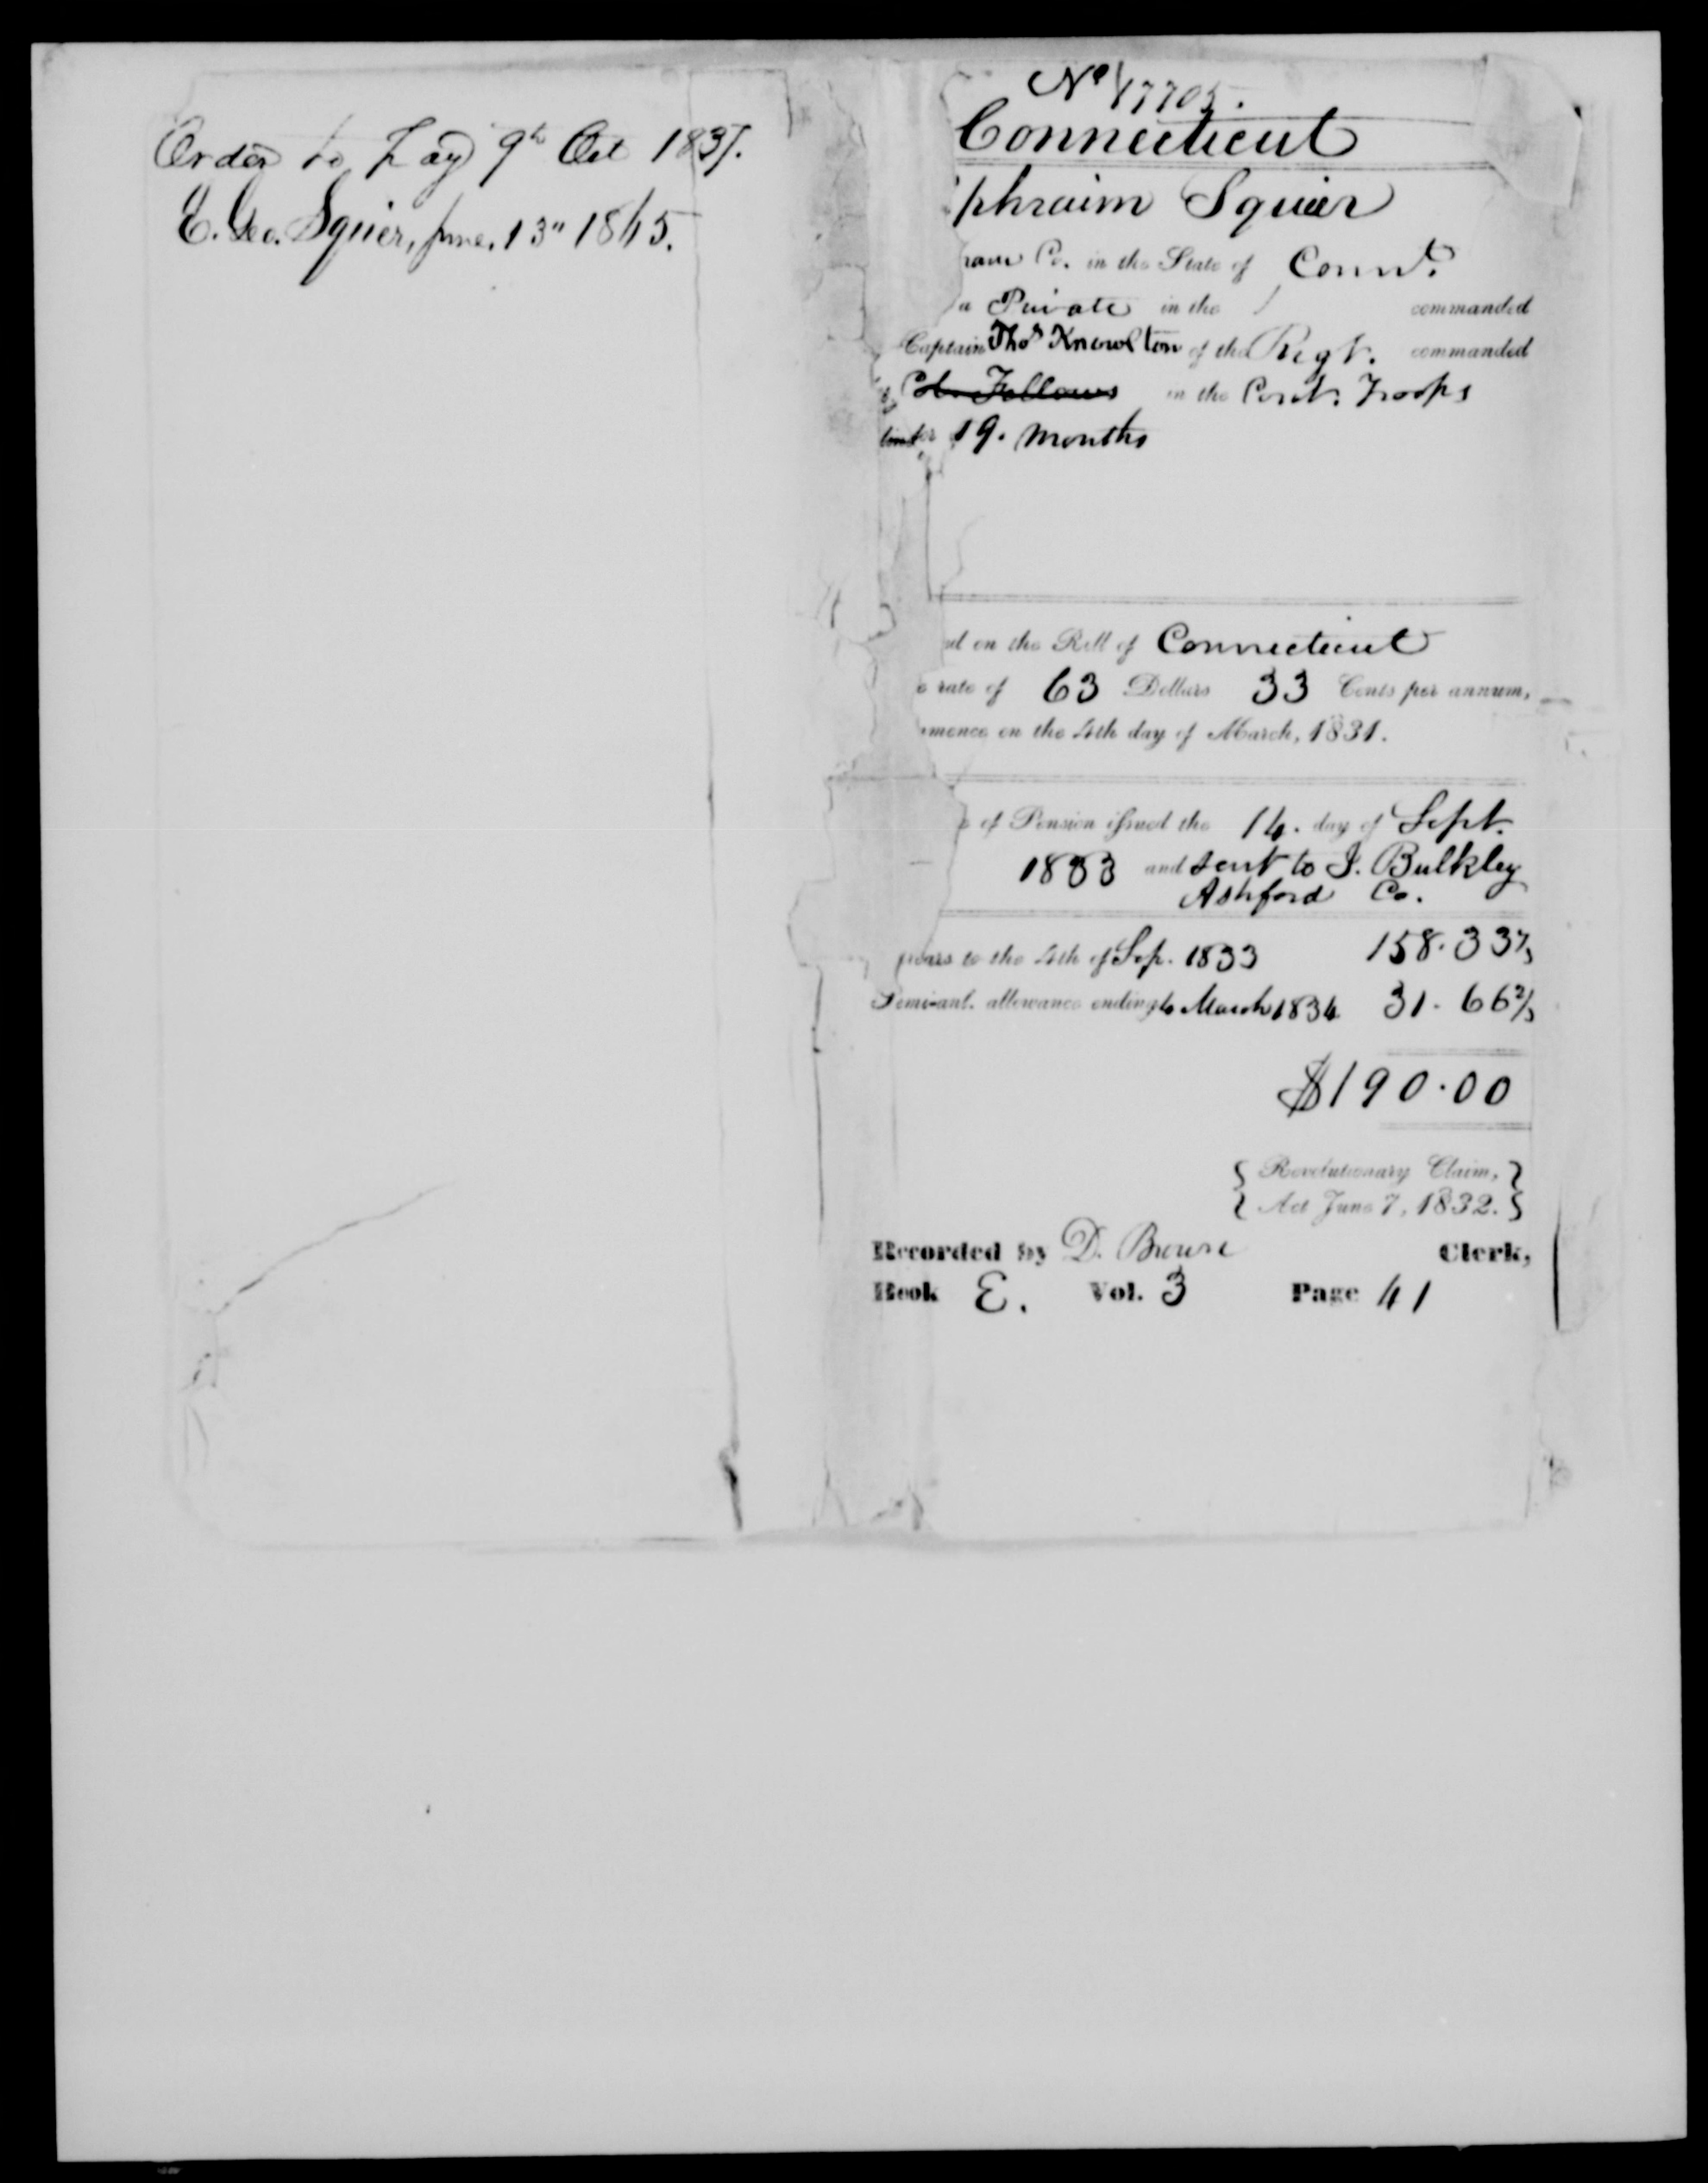*Left side*
Orda to Day 9th October 1837
E. Geo Squire, June 13th 1845

*Right Side*
No. 17703
Connecticut 
Ephriam Squier
Windham Co. in the state of Connt. (Connecticut)
a private in the [Illegible] commanded 
Captain Thos (Thomas) Knowlton of the Regiment commanded Col. Fellows in the [illegible] 
term 19 months


Found on the Roll of Connecticut a
at the rate of 63 dollars 33 cents per annum,
commence on the 4th day of March 1834. 
Date of Pension issued 15th day of Sept.
1833 and sent to J. Bulkley Ashford Co.

[illegible] to the 4th of Sept. 1833    158.33s
Semi-anl allowance ending  4th March 1834    31. 66s
======== 
$190.00

{Revolutionary Claim Act June 7, 1832.}
Recorded by D. Browne Clerk, 
Book E. Vol. 3 Page 41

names: Ephraim Squier; D Brown; E Geo Squir; I Bulkley; [BLANK] Fellows; Thos Knowlton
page: 3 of 70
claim: rejected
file: R. 10,026, for Ephraim Squier, Connecticut